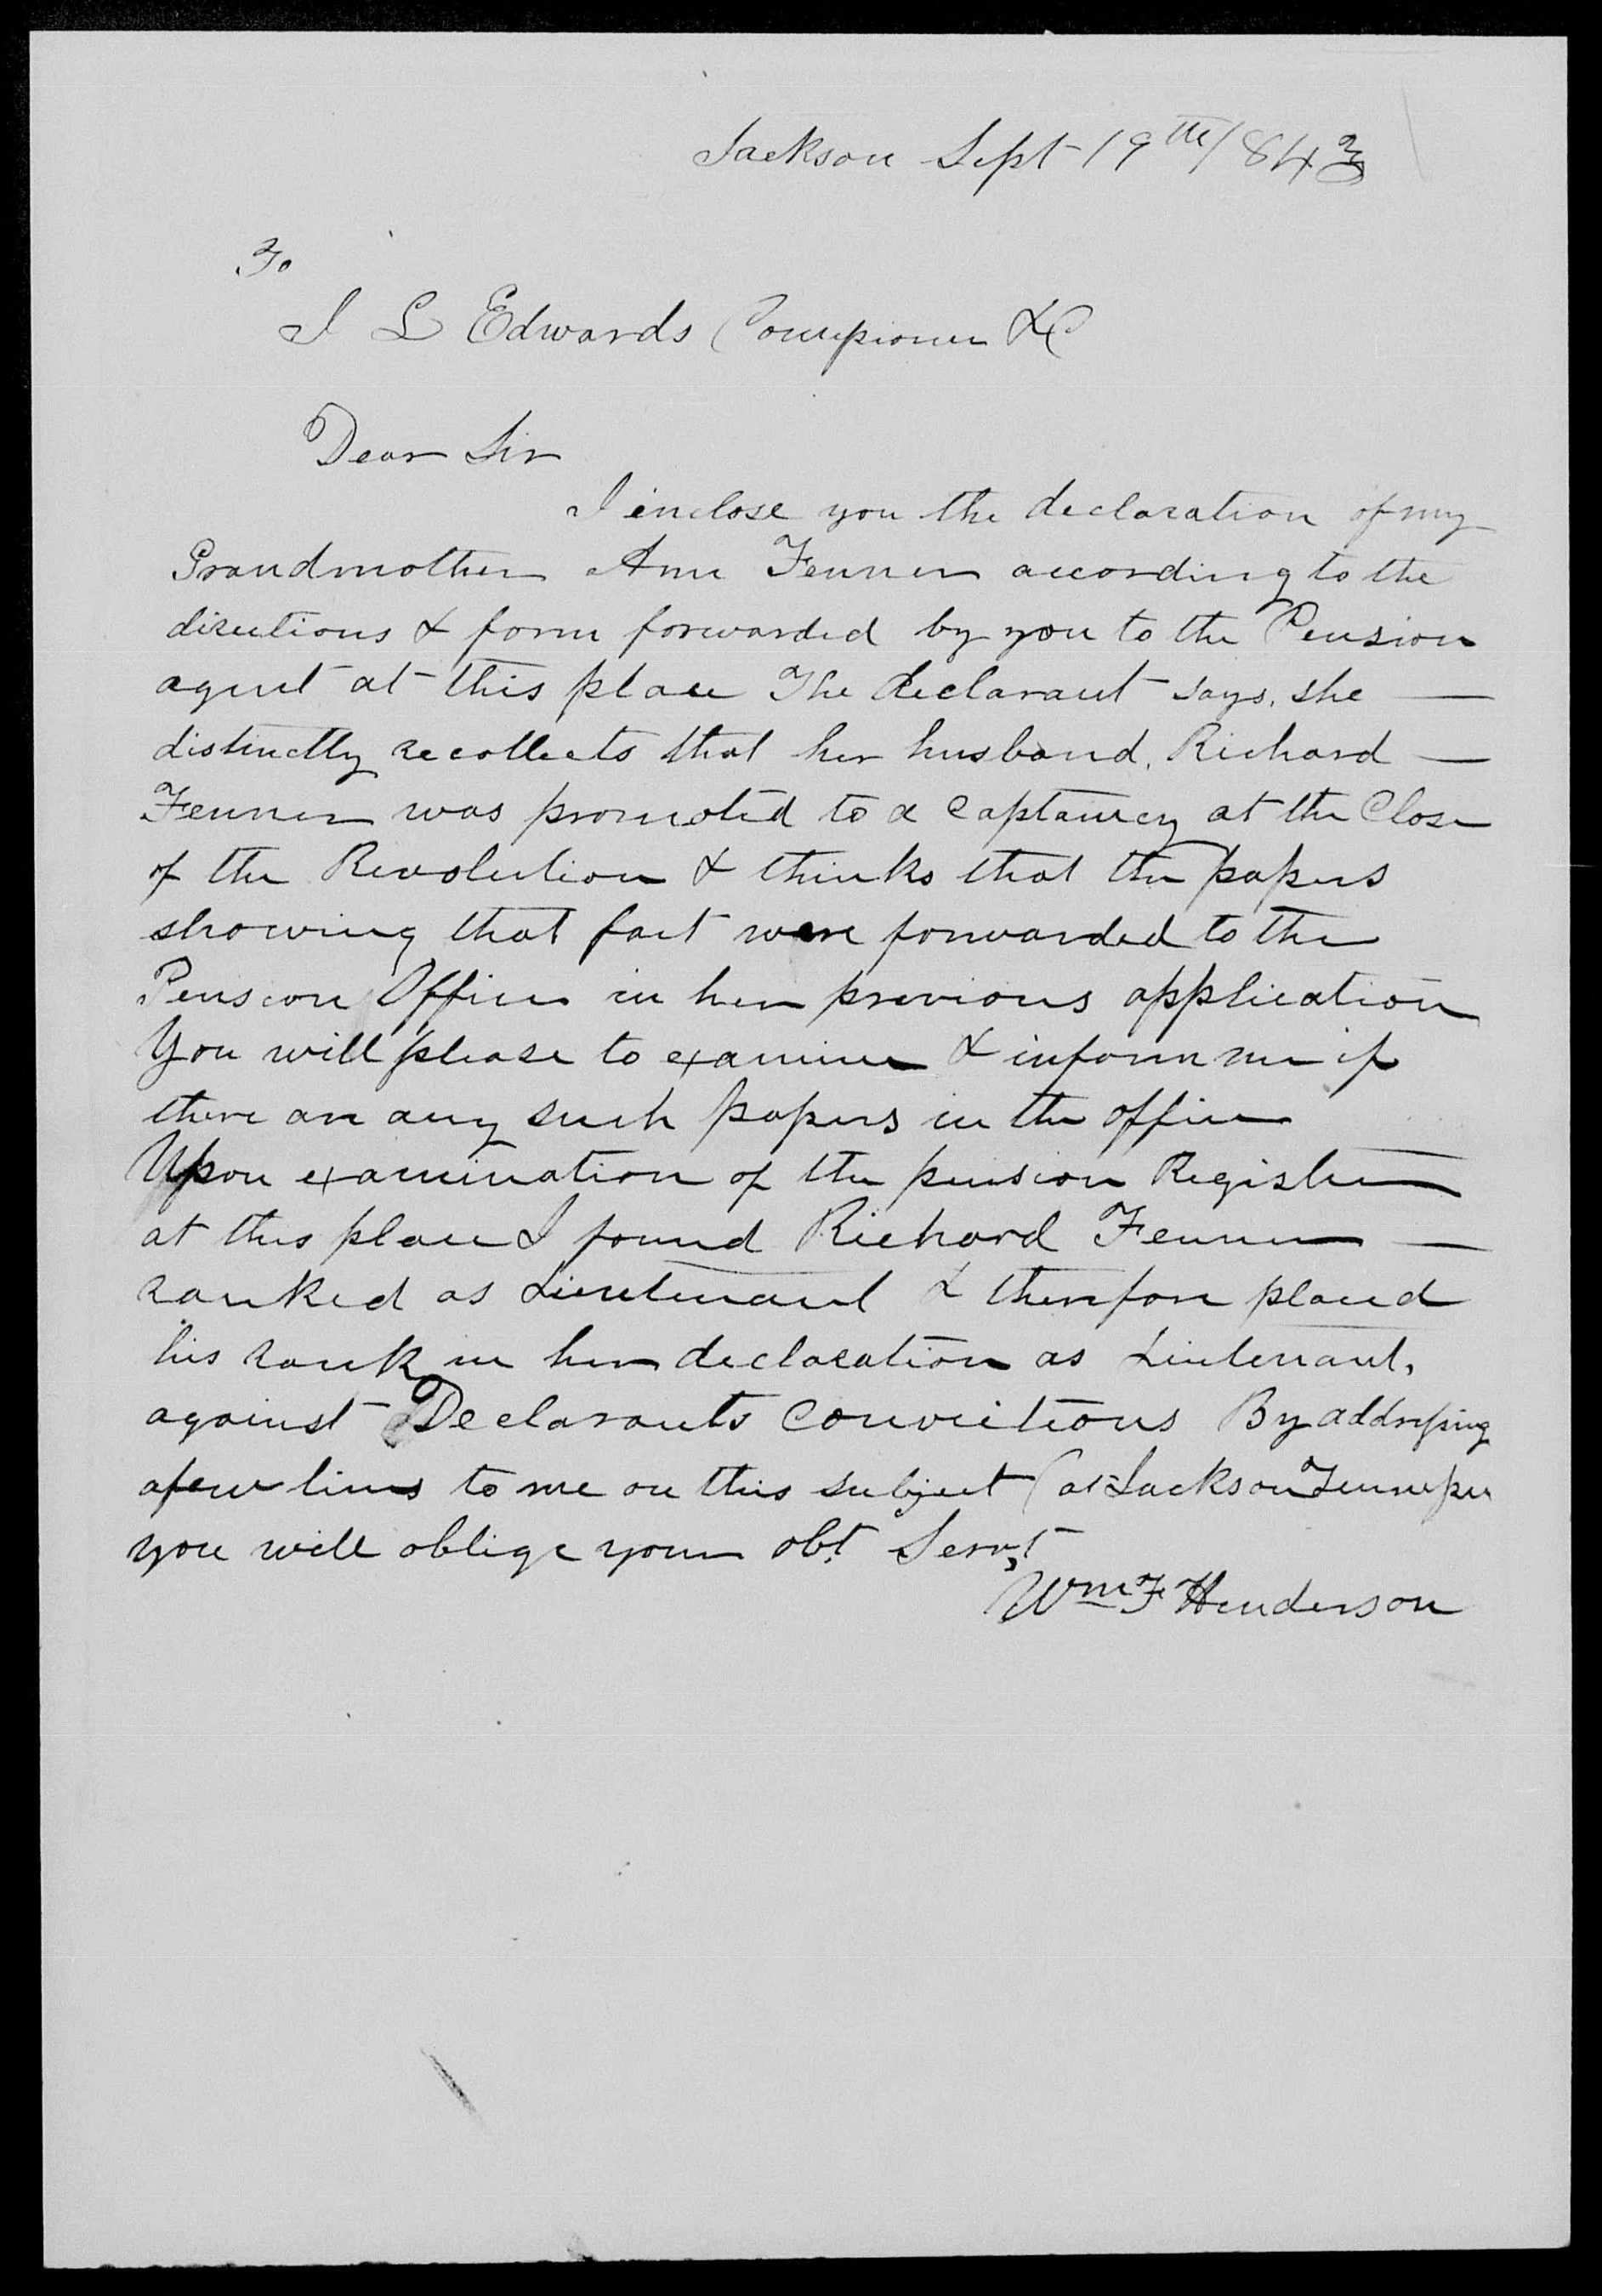Jackson
Sept 19th 1843

To J L Edwards Commissioner 

Dear Sir

I enclose you the declaration of my Grandmother Ann Fenner according to the directions & form forwarded by you to the Pension agent at this place The declarant says she distinctly recollects that her husband Richard Fenner was promoted to a captaincy at the close of the Revolution & thinks that the papers showing that fact were forwarded to the Pension Office in her previous application. You will please to examine & inform me if there are any such papers in the office upon examination of the pension register at this place I found Richard Fenner ranked as Lieutenant & therefore placed his rank  in her declaration as Lieutenant, against declarants convictions. By addressing a few lines to me on this subject (at Jackson Tennessee) you will oblige your obt. Servt.

/Wm F Henderson/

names: Ann Fenner, Jackson, J L Edwards, Richard Fenner, Wm F Henderson, Richard Fenner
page: 17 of 39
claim: widow's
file: W. 789, Richard Fenner, N.C.